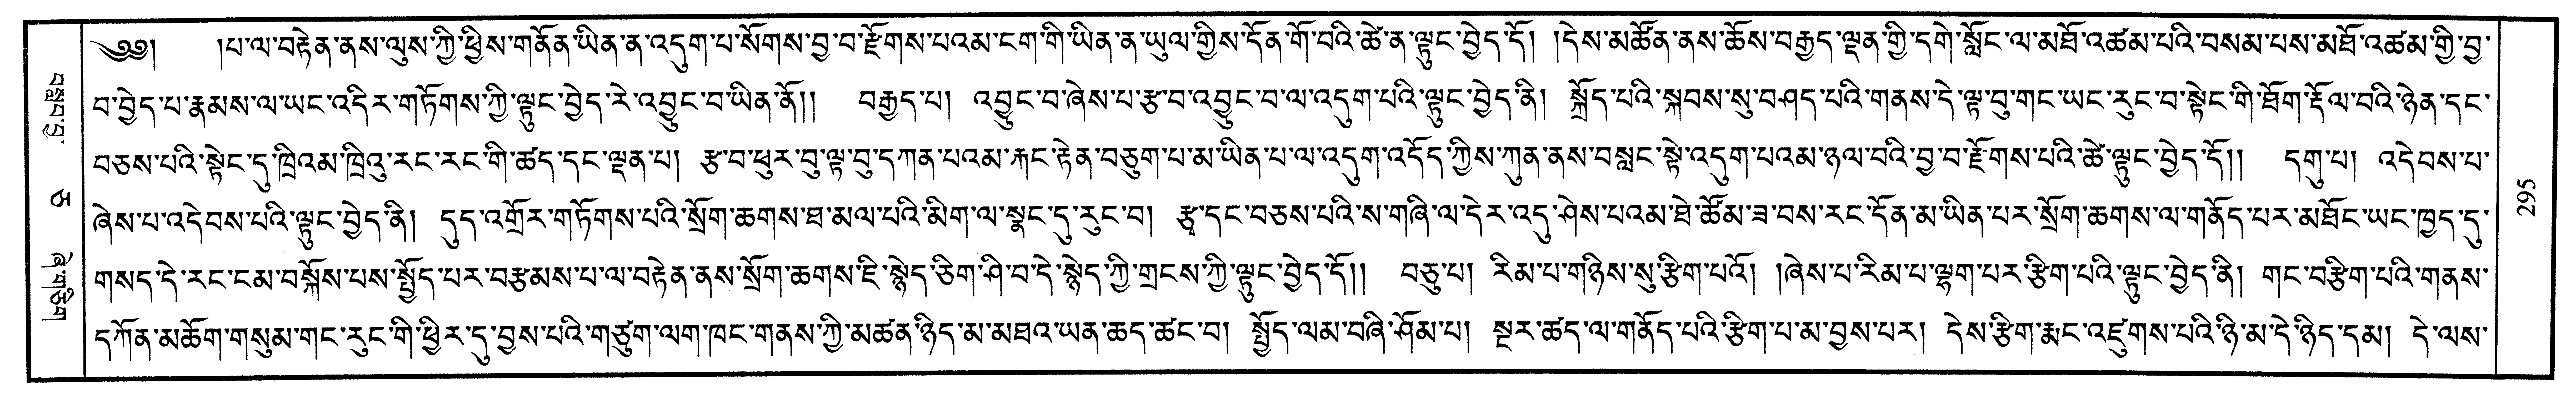༄༅། །པ་ལ་བརྟེན་ནས་ལུས་ཀྱི་ཕྱིས་གནོན་ཡིན་ན་འདུག་པ་སོགས་བྱ་བ་རྫོགས་པའམ་ངག་གི་ཡིན་ན་ཡུལ་གྱིས་དོན་གོ་བའི་ཚེ་ན་ལྟུང་བྱེད་དོ། །དེས་མཚོན་ནས་ཆོས་བརྒྱད་ལྡན་གྱི་དགེ་སློང་ལ་མཐོ་འཚམ་པའི་བསམ་པས་མཐོ་འཚམ་གྱི་བྱ་
བ་བྱེད་པ་རྣམས་ལ་ཡང་འདིར་གཏོགས་ཀྱི་ལྟུང་བྱེད་རེ་འབྱུང་བ་ཡིན་ནོ།། བརྒྱད་པ། འབྱུང་བ་ཞེས་པ་རྩ་བ་འབྱུང་བ་ལ་འདུག་པའི་ལྟུང་བྱེད་ནི། སྐྲོད་པའི་སྐབས་སུ་བཤད་པའི་གནས་དེ་ལྟ་བུ་གང་ཡང་རུང་བ་སྟེང་གི་ཐོག་རྡོལ་བའི་ཉེན་དང་
བཅས་པའི་སྟེང་དུ་ཁྲིའམ་ཁྲིའུ་རང་རང་གི་ཚད་དང་ལྡན་པ། རྩ་བ་ཕུར་བུ་ལྟ་བུ་དཀན་པའམ་རྐང་རྟེན་བཅུག་པ་མ་ཡིན་པ་ལ་འདུག་འདོད་ཀྱིས་ཀུན་ནས་བསླང་སྟེ་འདུག་པའམ་ཉལ་བའི་བྱ་བ་རྫོགས་པའི་ཚེ་ལྟུང་བྱེད་དོ།། དགུ་པ། འདེབས་པ་
ཞེས་པ་འདེབས་པའི་ལྟུང་བྱེད་ནི། དུད་འགྲོར་གཏོགས་པའི་སྲོག་ཆགས་ཐ་མལ་པའི་མིག་ལ་སྣང་དུ་རུང་བ། རྩྭ་དང་བཅས་པའི་ས་གཞི་ལ་དེར་འདུ་ཤེས་པའམ་ཐེ་ཚོམ་ཟ་བས་རང་དོན་མ་ཡིན་པར་སྲོག་ཆགས་ལ་གནོད་པར་མཐོང་ཡང་ཁྱད་དུ་
གསད་དེ་རང་ངམ་བསྐོས་པས་སྤྱོད་པར་བརྩམས་པ་ལ་བརྟེན་ནས་སྲོག་ཆགས་ཇི་སྙེད་ཅིག་ཤི་བ་དེ་སྙེད་ཀྱི་གྲངས་ཀྱི་ལྟུང་བྱེད་དོ།། བཅུ་པ། རིམ་པ་གཉིས་སུ་རྩིག་པའོ། །ཞེས་པ་རིམ་པ་ལྷག་པར་རྩིག་པའི་ལྟུང་བྱེད་ནི། གང་བརྩིག་པའི་གནས་
དཀོན་མཆོག་གསུམ་གང་རུང་གི་ཕྱིར་དུ་བྱས་པའི་གཙུག་ལག་ཁང་གནས་ཀྱི་མཚན་ཉིད་མ་མཐའ་ཡན་ཆད་ཚང་བ། སྤྱོད་ལམ་བཞི་ཤོམ་པ། སྔར་ཚད་ལ་གནོད་པའི་རྩིག་པ་མ་བྱས་པར། དེས་རྩིག་རྨང་འཛུགས་པའི་ཉི་མ་དེ་ཉིད་དམ། དེ་ལས་